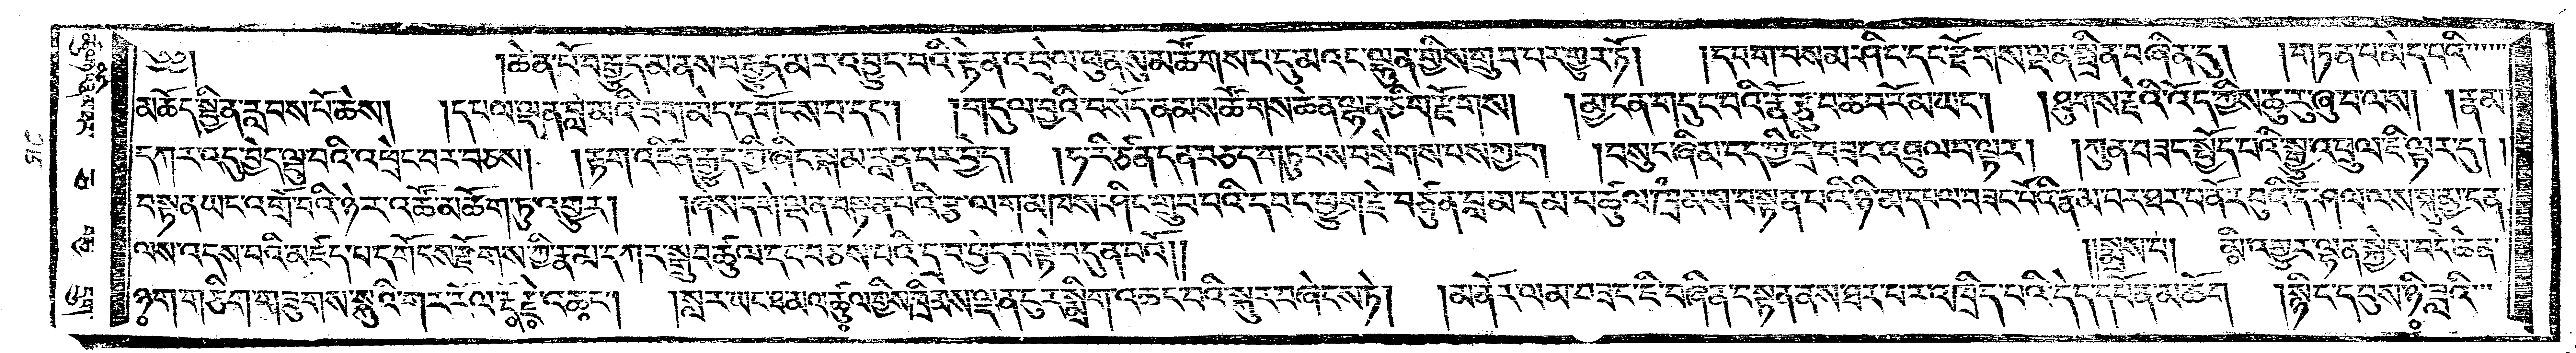༄༅། །ཆེན་པོ་བརྒྱུད་མ་ནས་བརྒྱུད་མར་འབྱུང་བའི་རྟེན་འབྲེལ་ཕུན་སུམ་ཚོགས་པ་དུ་མའང་ལྷུན་གྱིས་གྲུབ་པར་གྱུར་ཏོ། །དཔག་བསམ་ཤིང་དང་རྫོགས་ལྡན་སྤྲིན་བཞིན་དུ། །གཏན་པ་མེད་པའི་
མཆོད་སྤྱིན་རླབས་པོ་ཆེས། །དཔལ་ལྡན་བླ་མའི་ཟག་མེད་དགོངས་པ་དང་། །གདུལ་བྱའི་བསོད་ནམས་ཚོགས་ཆེན་ལྷན་ཅིག་རྫོགས། །མྱ་ངན་གདུང་བའི་རྣོ་རྩུབ་ཆབ་རོམ་ཡང་། །ཐུགས་རྗེའི་འོད་ཀྱི་ཆུ་རུ་ཞུ་བ་ལས། །རྣམ་
དཀར་འདུ་བྱེད་ལྡུ་བའི་འཕྲེང་བར་བཅས། །རྟག་འཛིན་རྒྱུད་ཀྱི་ཞིང་སྐམ་རླན་པར་བྱེད། །ཧ་རི་ཙན་དན་བཅད་གཏུབས་བསྲེགས་པས་ཀྱང་། །བསུང་ཞིམ་ངག་ཀྱི་དྲི་བཟང་འཐུལ་བ་ལྟར། །ཀུན་བཟང་སྤྱོད་པའི་སྒྱུ་འཕྲུལ་ཇི་ལྟར་དུ། །
བསྟན་ཡང་འགྲོ་བའི་ཉེར་འཚོ་མཆོག་ཏུ་འགྱུར། །ཞེས་དགེ་ལྡན་བསྟན་པའི་རྩ་ལག་མཁས་ཤིང་གྲུབ་པའི་དབང་ཕྱུག་རྗེ་བཙུན་བླ་མ་དམ་པ་ཚུལ་ཁྲིམས་བསྟན་པའི་ཉི་མ་དཔལ་བཟང་པོའི་རྣམ་པར་ཐར་པ་ནོར་བུའི་དོ་ཤལ་ལས་སྐུ་མྱ་ངན་
ལས་འདས་པའི་མཛད་པ་དགོངས་རྫོགས་ཀྱི་རྣམ་དཀར་སྒྲུབ་ཚུལ་དང་བཅས་པའི་དྲ་བ་ཕྱེད་པ་སྟེ་བདུན་པའོ།། །།སྨྲས་པ། མི྾་འགྱུར་ལྷན་སྐྱེས་བདེ་ཆེན་
ཉག྾་གཅིག་གཟུགས་སྐུའི་གར་རོལ་རྡོ་རྗེ་འཆང་། །སླར་ཡང་ཐ་མལ་ཚུལ་གྱིས་ཁྲིམས་ལྡན་ངུར་སྨྲིག་འཆང་བའི་སྐུར་བཞེངས་ཏེ། །མ་ནོར་ལམ་བཟང་ཇི་བཞིན་བསྟན་ནས་ཐར་པར་འཁྲིད་པའི་དེད་དཔོན་མཆོག །སྙིང་དབུས་ཉི་ཟླའི་